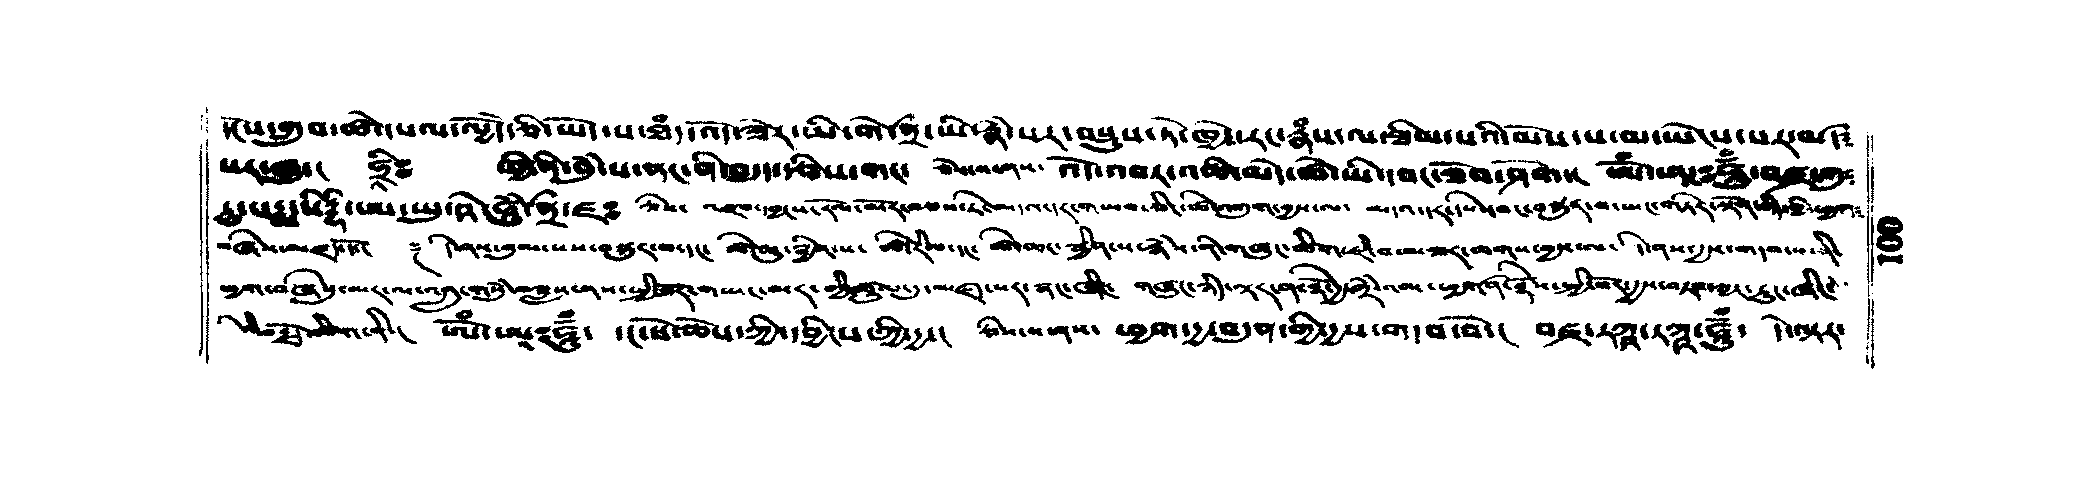དངོས་གྲུབ་ཚེ་དཔལ་ལོངས་སྤྱོད་ཅི་ཡོད་པ་ཐམས་ཅད་འོད་ཟེར་ཡི་གེ་ནྲྀ་ཡི་རྣམ་པར་བསྡུས་ཏེ་ཁྱེད་རང་རྣམས་ལ་ཐིམ་པའི་མོས་པ་མ་ཡེངས་པར་མཛད་
པར་ཞུ། ཧྲཱིཿ ཕྱི་ནི་བུམ་པ་ནང་ནི་བདུད་རྩི་གང་། །ཅེས་པ་ནས། འོད་འབར་འཆི་མེད་ཚེ་ཡི་དབང་ཐོབ་ཤོག་ཨོྃ་ཨཱཿཧཱུྃ་བཛྲ་གུ་
རུ་པདྨ་སིདྡྷི་ཨ་ཡུ་རེ་ཧཱུྃ་ནྲྀ་ཛཿ ཅེས་འཛབ་དབྱངས་རོལ་མོར་བཅས་ཏེ་མདའ་དར་གཡབ་ཅིང་ཚེ་འགུག་བྱས་ལ། མདའ་དར་དཔེ་དབང་བསྐུར་བ་ཡང་གཏེར་སྟོན་ཉིད་ཀྱི་ཕྱག་
བཞེས་མཛད་དོ། ༈ དེ་ནས་བུམ་པས་བསྐུར་བ་དང་། ཚེ་ཆུ་སྦྱིན་པ། ཚེ་རིལ་དང་། ཚེ་ཆང་སྦྱིན་པ་རྣམས་ནི་གཞུང་ཚིག་ཇི་ལྟ་བ་མཐར་ཆགས་བྱས་ལ། དེ་ནས་རྒྱས་གདབ་པ་ནི་
ཕྱག་བཞེས་སུ་མར་ལ་འབྲུ་གསུམ་བཟླས་ནས་སྤྱི་བོར་གཡང་མར་གྱི་ཚུལ་དུ་མཛད་པར་སྣང་ཞིང་།གཞུང་ཉིད་ལྟར་ན་རྡོ་རྗེ་རྒྱ་གྲམ་མམ་ཕྱག་ན་རྡོ་རྗེས་སྤྱི་བོར་རྒྱས་གདབ་ཀྱང་རུང་ཞིང་
དེའི་བརྗོད་ཚིག་ནི། ཨོྃ་ཨཱཿཧཱུྃ། དང་པོ་ཆོས་ཀྱི་དབྱིངས་ཀྱི་རྒྱ། །ཅེས་པ་ནས། ཕྱག་རྒྱ་བདུན་གྱི་རྒྱས་གདབ་བོ། བཛྲ་རཀར་རཀར་ཧཱུྃ། དེ་ལྟར་